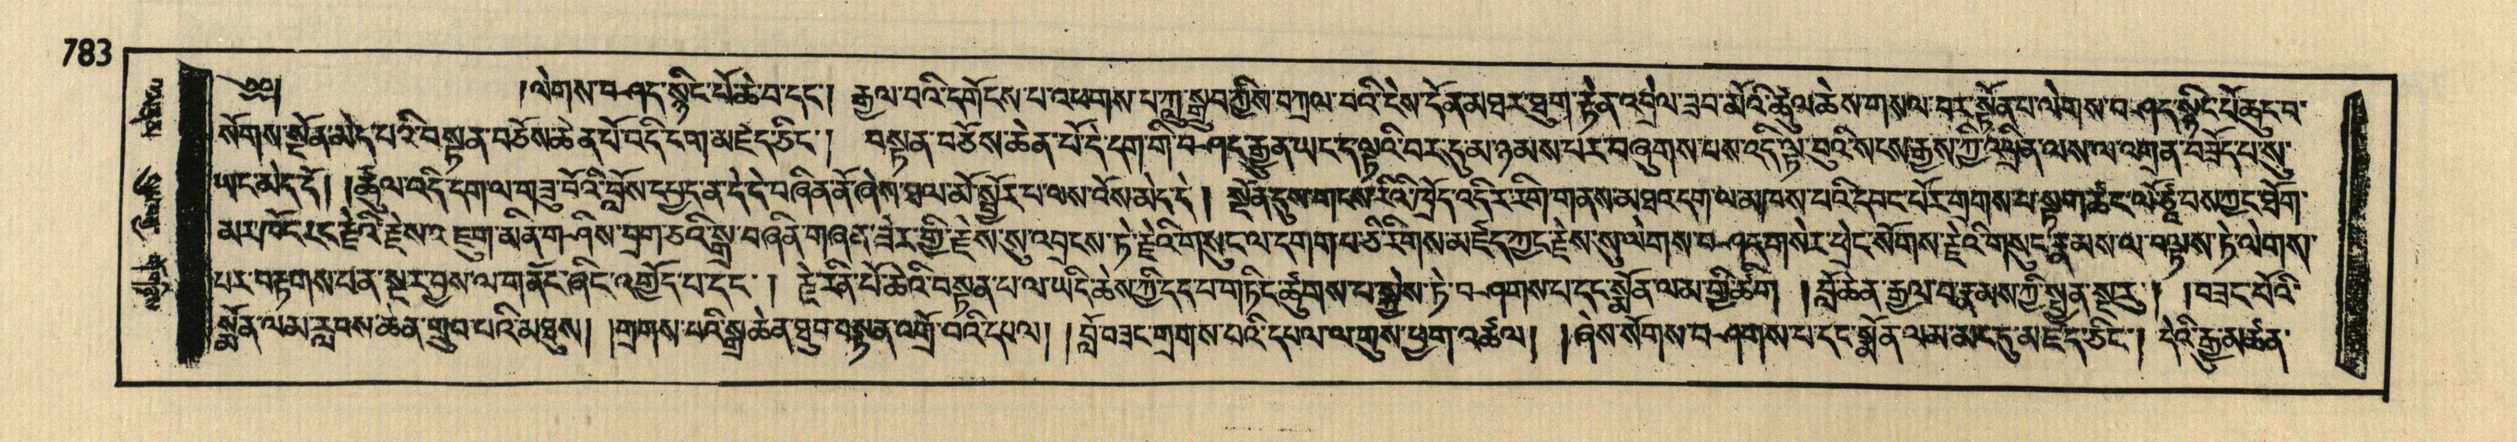༄༅། །ལེགས་བཤད་སྙིང་པོ་ཆེ་བ་དང་། རྒྱལ་བའི་དགོངས་པ་འཕགས་པ་ཀླུ་སྒྲུབ་ཀྱིས་བཀྲལ་བའི་ངེས་དོན་མཐར་ཐུག་རྟེན་འབྲེལ་ཟབ་མོའི་ཚུལ་ཆེས་གསལ་བར་སྟོན་པ་ལེགས་བཤད་སྙིང་པོ་ཆུང་བ་
སོགས་སྔོན་མེད་པའི་བསྟན་བཅོས་ཆེན་པོ་འདི་དག་མཛད་ཅིང་། བསྟན་བཅོས་ཆེན་པོ་དེ་དག་གི་བཤད་རྒྱུན་ཡང་ད་ལྟའི་བར་དུ་མ་ཉམས་པར་བཞུགས་པས་འདི་ལྟ་བུའི་སངས་རྒྱས་ཀྱི་འཕྲིན་ལས་ལ་འགྲན་བཟོད་པ་སུ་
ཡང་མེད་དོ། །ཚུལ་འདི་དག་ལ་གཟུ་བོའི་བློས་དཔྱད་ན་དེ་དེ་བཞིན་ནོ་ཞེས་ཐལ་མོ་སྦྱོར་པ་ལས་འོས་མེད་དེ། སྔོན་དུས་གངས་རིའི་ཁྲོད་འདིར་རིག་གནས་མཐའ་དག་ལ་མཁས་པའི་དབང་པོར་གྲགས་པ་སྟག་ཚང་ལོ་ཙཱ་བས་ཀྱང་ཐོག་
མར་ཁོང་རང་རྗེའི་རྗེས་འཇུག་མིན་གཤིས་བྲག་ཅའི་སྒྲ་བཞིན་གཞན་ཟེར་གྱི་རྗེས་སུ་འབྲངས་ཏེ་རྗེའི་གསུང་ལ་དགག་པ་ཅི་རིགས་མཛད་ཀྱང་རྗེས་སུ་ལེགས་བཤད་གསེར་ཕྲིང་སོགས་རྗེའི་གསུང་རྣམས་ལ་བལྟས་ཏེ་ལེགས་
པར་བརྟགས་པ་ན་སྔར་བྱས་ལ་གནོང་ཞིང་འགྱོད་པ་དང་། རྗེ་རིན་པོ་ཆེའི་བསྟན་པ་ལ་ཡིད་ཆེས་ཀྱི་དད་པ་གཏིང་ཚུགས་པ་སྐྱེས་ཏེ་བཤགས་པ་དང་སྨོན་ལམ་གྱི་ཚིག །བློ་ཆེན་རྒྱལ་བ་རྣམས་ཀྱི་སྤྱན་སྔ་རུ། །བཟང་པོའི་
སྨོན་ལམ་རླབས་ཆེན་གྲུབ་པའི་མཐུས། །གྲགས་པའི་སྒྲ་ཆེན་ཐུབ་བསྟན་འགྲོ་བའི་དཔལ། །བློ་བཟང་གྲགས་པའི་དཔལ་ལ་གུས་ཕྱག་འཚལ། །ཞེས་སོགས་བཤགས་པ་དང་སྨོན་ལམ་མང་དུ་མཛད་ཅིང་། དེའི་རྒྱུ་མཚན་